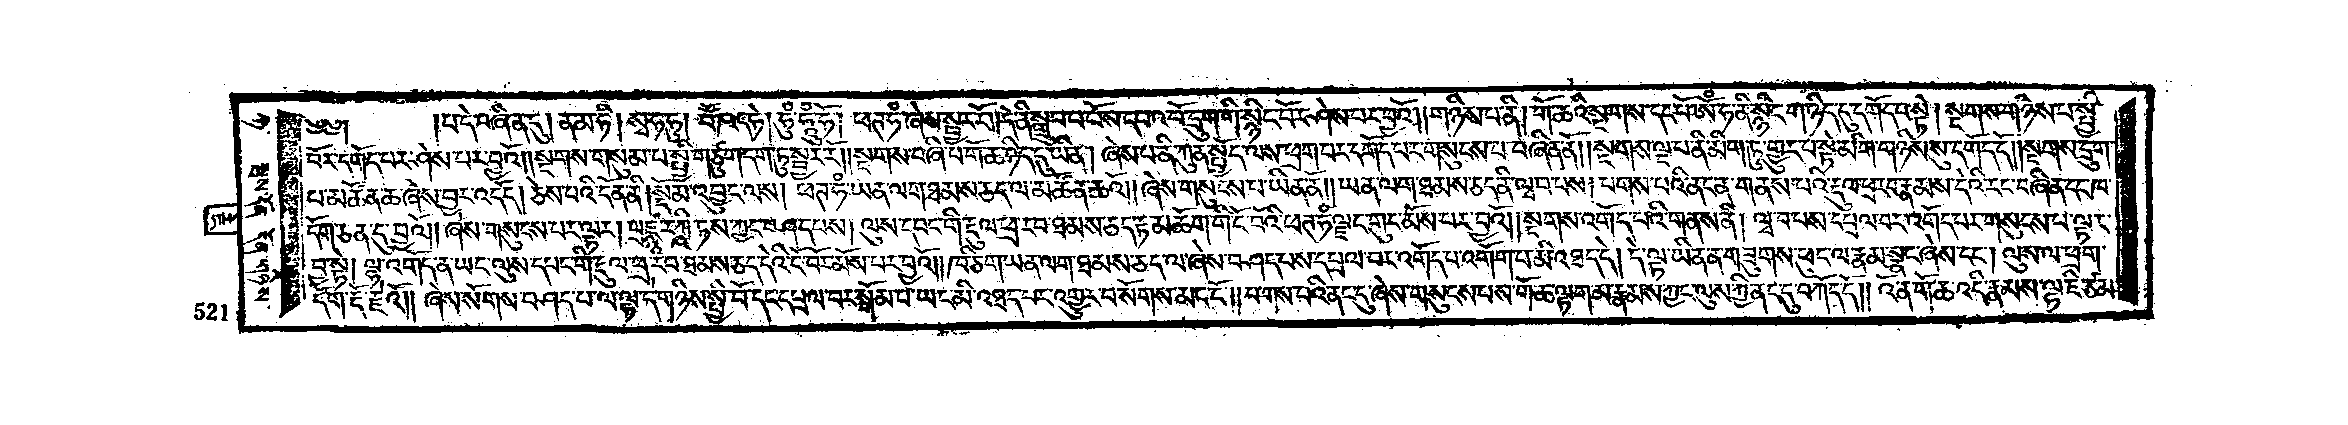༄༅། །པ་དེ་བཞིན་དུ། ན་མ་ཏེ། སྭ་ཧ་ཧུ། བཽ་ཥད་ཧེ། ཧུཾ་ཧཱུཾ་ཧོ། ཕཊ་ཧཾ་ཞེས་སྦྱར་རོ། །དེ་ནི་སྒྲུབ་པ་པོས་དཔའ་བོ་དྲུག་གི་སྙིང་པོར་ཤེས་པར་བྱའོ། །གཉིས་པ་ནི། གོ་ཆའི་སྔགས་དང་པོ་ཨོཾ་ཧ་ནི་སྙིང་ག་ཉིད་དུ་དགོད་པ་སྟེ། སྔགས་གཉིས་པ་སྤྱི་
བོར་དགོད་པར་ཤེས་པར་བྱའོ། །སྔགས་གསུམ་པ་སྤྱི་གཙུག་དག་ཏུ་སྦྱར་རོ། །སྔགས་བཞི་པ་གོ་ཆ་ཉིད་དུ་ཡིན། ཞེས་པ་ནི་ཀུན་སྤྱོད་ལས་ཕྲག་པར་དགོད་པར་གསུངས་པ་བཞིན་ནོ། །སྔགས་ལྔ་པ་ནི་མིག་ཏུ་གྱུར་པ་སྟེ་མིག་གཉིས་སུ་དགོད་དོ། །སྔགས་དྲུག་
པ་མཚོན་ཆ་ཞེས་བྱར་འདོད། ཅེས་པའི་དོན་ནི། སྡོམ་འབྱུང་ལས། ཕཊ་ཧཾ་ཡན་ལག་ཐམས་ཅད་ལ་མཚོན་ཆའོ། །ཞེས་གསུངས་པ་ཡིན་ནོ། །ཡན་ལག་ཐམས་ཅད་ནི་ལྭ་བ་པས། པགས་པའི་ནང་ན་གནས་པའི་རྡུལ་ཕྲ་རབ་རྣམས་དེའི་རང་བཞིན་དང་ཁ་
དོག་ཅན་དུ་བྱའོ། །ཞེས་གསུངས་པར་ལྟར། པྲཛྱཱ་རཀྵི་ཏས་ཀྱང་བཤད་པས། ལུས་དབང་གི་རྡུལ་ཕྲ་རབ་ཐམས་ཅད་རྟ་མཆོག་གི་ངོ་བོའི་ཕཊ་ཧཾ་ལྗང་གུར་མོས་པར་བྱའོ། །སྔགས་འགོད་པའི་གནས་ནི། ལྭ་བ་པས་དཔྲལ་བར་འགོད་པར་གསུངས་པ་ལྟར་
བྱ་སྟེ། ལྷ་འགོད་ན་ཡང་ལུས་དབང་གི་རྡུལ་ཕྲ་རབ་ཐམས་ཅད་དེའི་ངོ་བོར་མོས་པར་བྱའོ། ཁ་ཅིག་ཡན་ལག་ཐམས་ཅད་ལ་ཞེས་བཤད་པས་དཔྲལ་བར་འགོད་པ་འགོག་པ་མི་འཐད་དེ། དེ་ལྟ་ཡིན་ན་གཟུགས་ཕུང་ལ་རྣམ་སྣང་ཞེས་དང་། ལུས་ལ་ཕྲག་
དོག་རྡོ་རྗེའོ། །ཞེས་སོགས་བཤད་པ་ལ་ལྷ་དེ་གཉིས་སྤྱི་བོ་དང་དཔྲལ་བར་སྒོམ་པ་ཡང་མི་འཐད་པར་འགྱུར་བ་སོགས་མང་ངོ། །པགས་པའི་ནང་དུ་ཞེས་གསུངས་པས་གོ་ཆ་ལྟག་མ་རྣམས་ཀྱང་ལུས་ཀྱི་ནང་དུ་བཀོད་དོ། །འོ་ན་གོ་ཆ་འདི་རྣམས་ལྷ་ཇི་ཙམ་